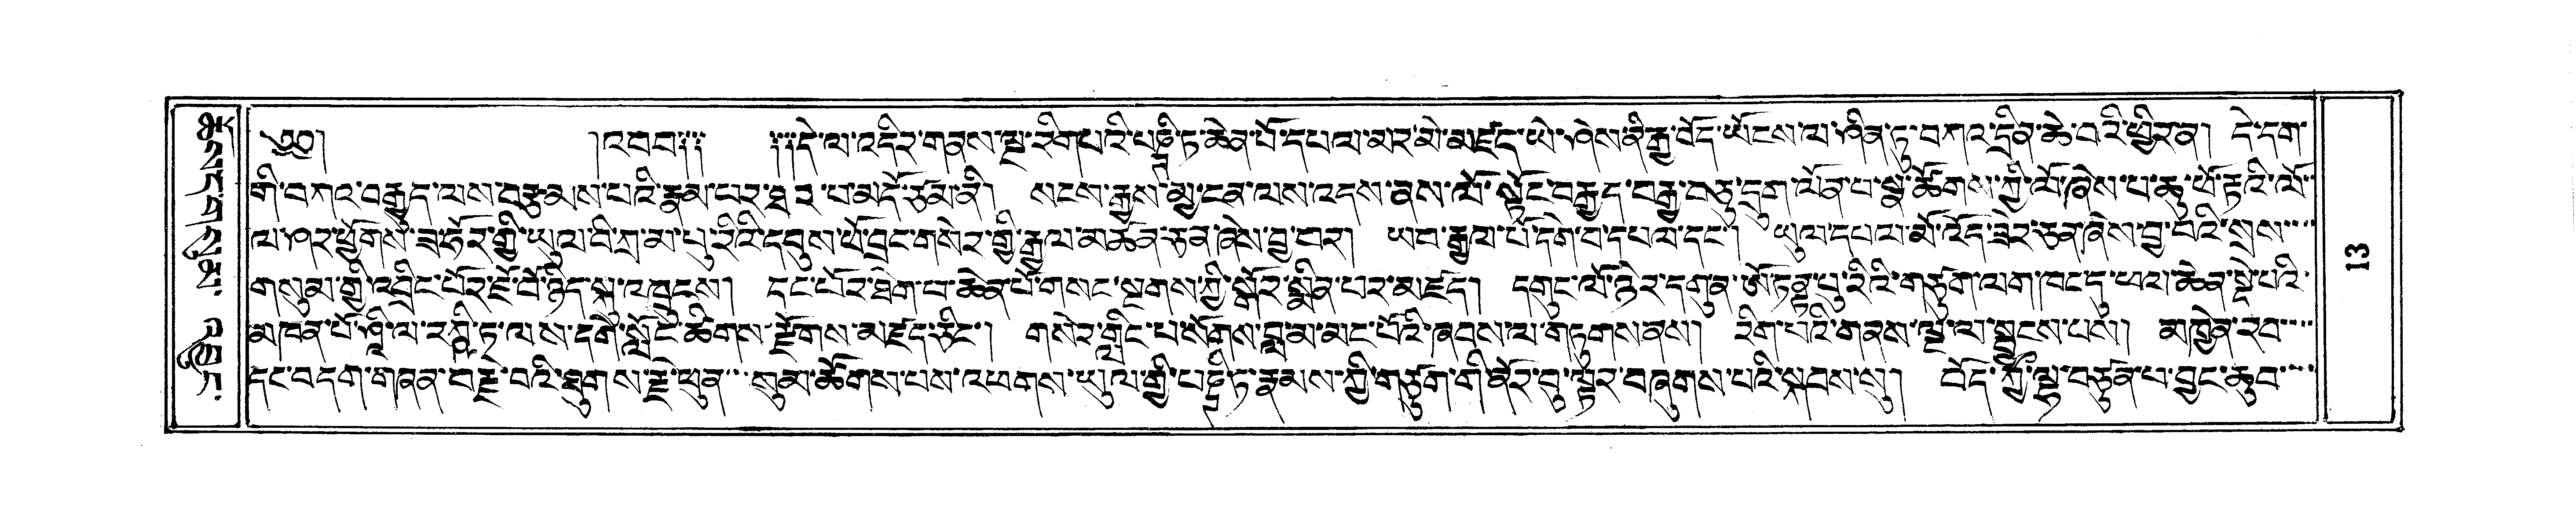༄༅། །འབབ༑༑ ༑༑དེ་ལ་འདིར་གནས་ལྔ་རིག་པའི་པཎྚི་ཏ་ཆེན་པོ་དཔལ་མར་མེ་མཛད་ཡེ་ཤེས་ནི་རྒྱ་བོད་ཡོངས་ལ་ཤིན་ཏུ་བཀའ་དྲིན་ཆེ་བའི་ཕྱིར་ན། དེ་དག་
གི་བཀའ་བརྒྱུད་ལས་བརྩམས་པའི་རྣམ་པར་ཐར་པ་མདོ་ཙམ་ནི། སངས་རྒྱས་མྱ་ངན་ལས་འདས་ནས་ལོ་སྟོང་བརྒྱད་བརྒྱ་བཅུ་དྲུག་ལོན་པ་སྣ་ཚོགས་ཀྱི་ལོ་ཞེས་པ་ཆུ་ཕོ་རྟའི་ལོ་
ལ་ཤར་ཕྱོགས་ཟ་ཧོར་གྱི་ཡུལ་བི་ཀྲ་མ་པུ་རིའི་དབུས་ཕོ་བྲང་གསེར་གྱི་རྒྱལ་མཚན་ཅན་ཞེས་བྱ་བར། ཡབ་རྒྱལ་པོ་དགེ་བ་དཔལ་དང་། ཡུལ་དཔལ་མོ་འོད་ཟེར་ཅན་ཞེས་བྱ་བའི་སྲས་
གསུམ་གྱི་འབྲིང་པོར་ཇོ་བོ་ཉིད་སྐུ་འཁྲུངས། དང་པོར་ཐེག་པ་ཆེན་པོ་གསང་སྔགས་ཀྱི་སྒོར་སྨིན་པར་མཛད། དགུང་ལོ་ཉེར་དགུ་ན་ཨོ་ཏནྟ་པུ་རིའི་གཙུག་ལག་ཁང་དུ་ཕལ་ཆེན་སྡེ་པའི་
མཁན་པོ་ཤཱི་ལ་རཀྵི་ཏ་ལས་དགེ་སློང་ཚིགས་རྫོགས་མཛད་ཅིང་། གསེར་གླིང་པ་སོགས་བླ་མ་མང་པོའི་ཞབས་ལ་གཏུགས་ནས། རིག་པའི་གནས་ལྔ་ལ་སྦྱངས་པས། མཁྱེན་རབ་
དང་བདག་གཞན་བརྗེ་བའི་ཐུགས་རྗེ་ཕུན་སུམ་ཚོགས་པས་འཕགས་ཡུལ་གྱི་པཎྚི་ཏ་རྣམས་ཀྱི་གཙུག་གི་ནོར་བུ་ལྟར་བཞུགས་པའི་སྐབས་སུ། བོད་ཀྱི་ལྷ་བཙུན་པ་བྱང་ཆུབ་